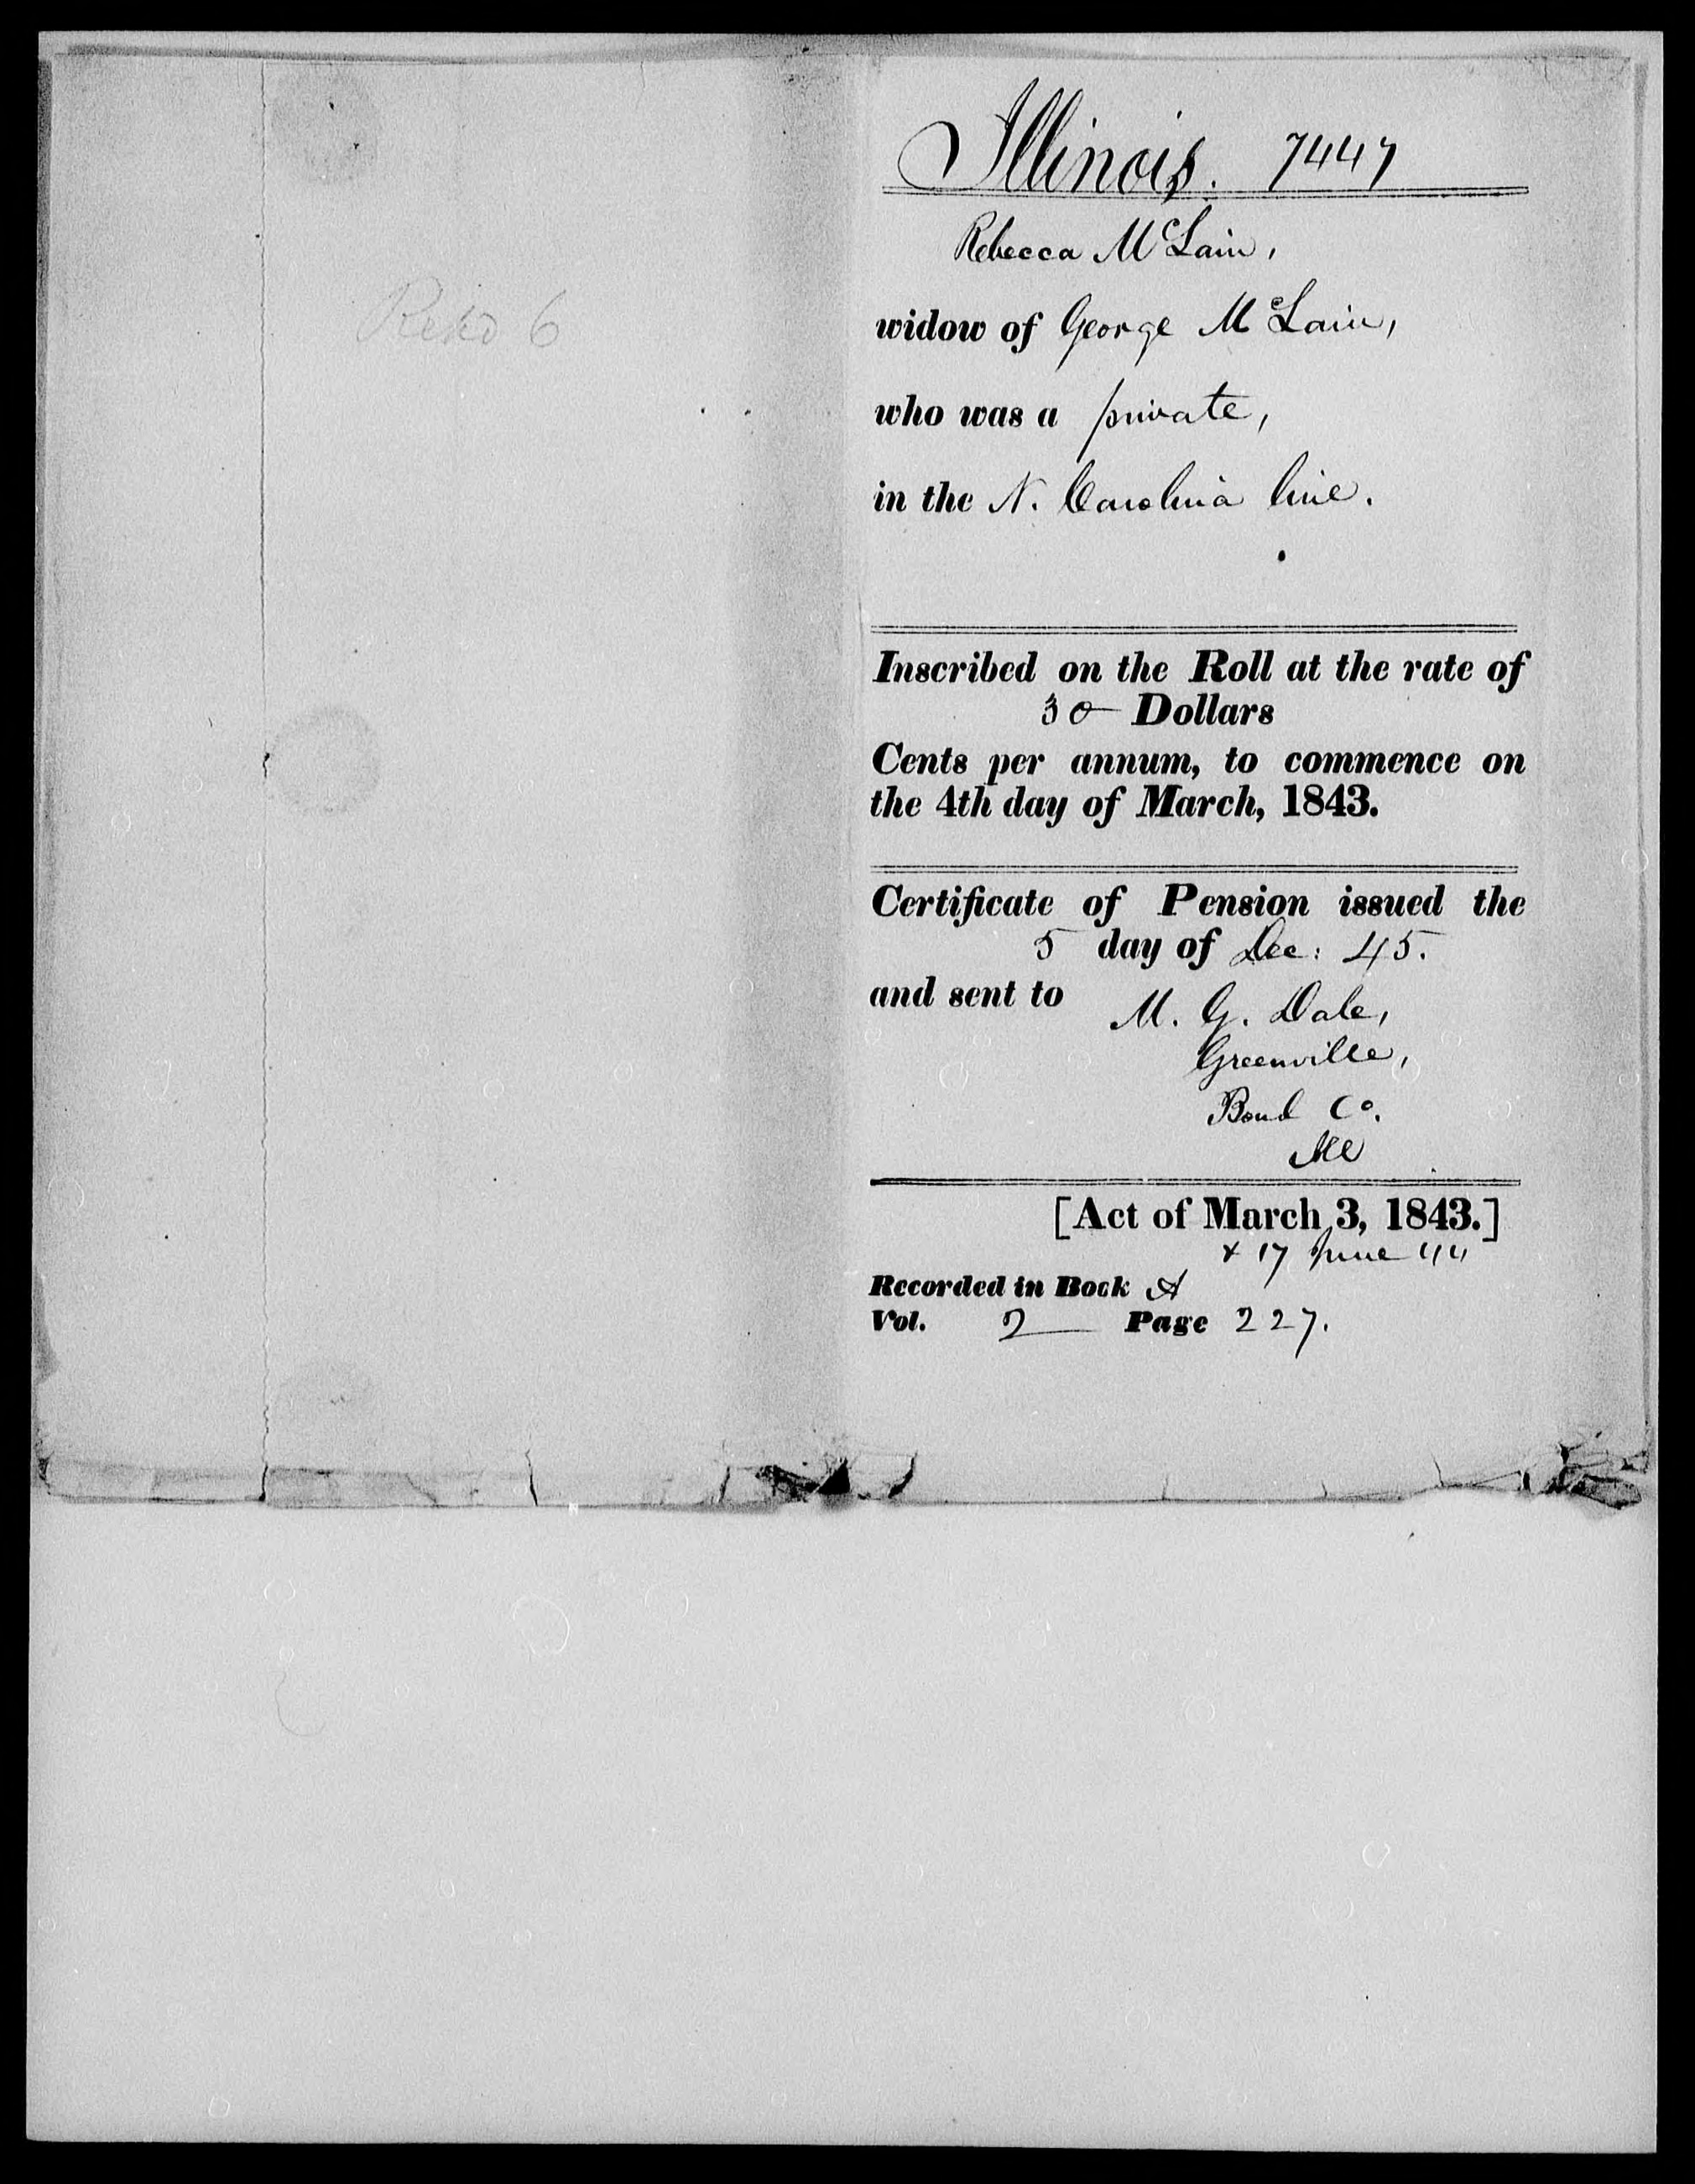[typed form, with handwritten responses]

[left side] Repd [Reported] 6

[right side] Illinois 7447 Rebecca McLain, widow of George McLain, who was a private, in the N. Carolina line.

Inscribed on the Roll at the rate of 30 Dollars Cents per annum, to commence on the 4th day of March, 1843. 

Certificate of Pension issued the 5 day of Dec: 45. and sent to M. G. Dale Greenville, Bond Co. Ill 

{Act of March 3, 1843. & 17 June 44} 

Recorded in Book A Vol. 2 Page 227.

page: 30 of 67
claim: widow's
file: W. 21793, for George Mc Lain, North Carolina